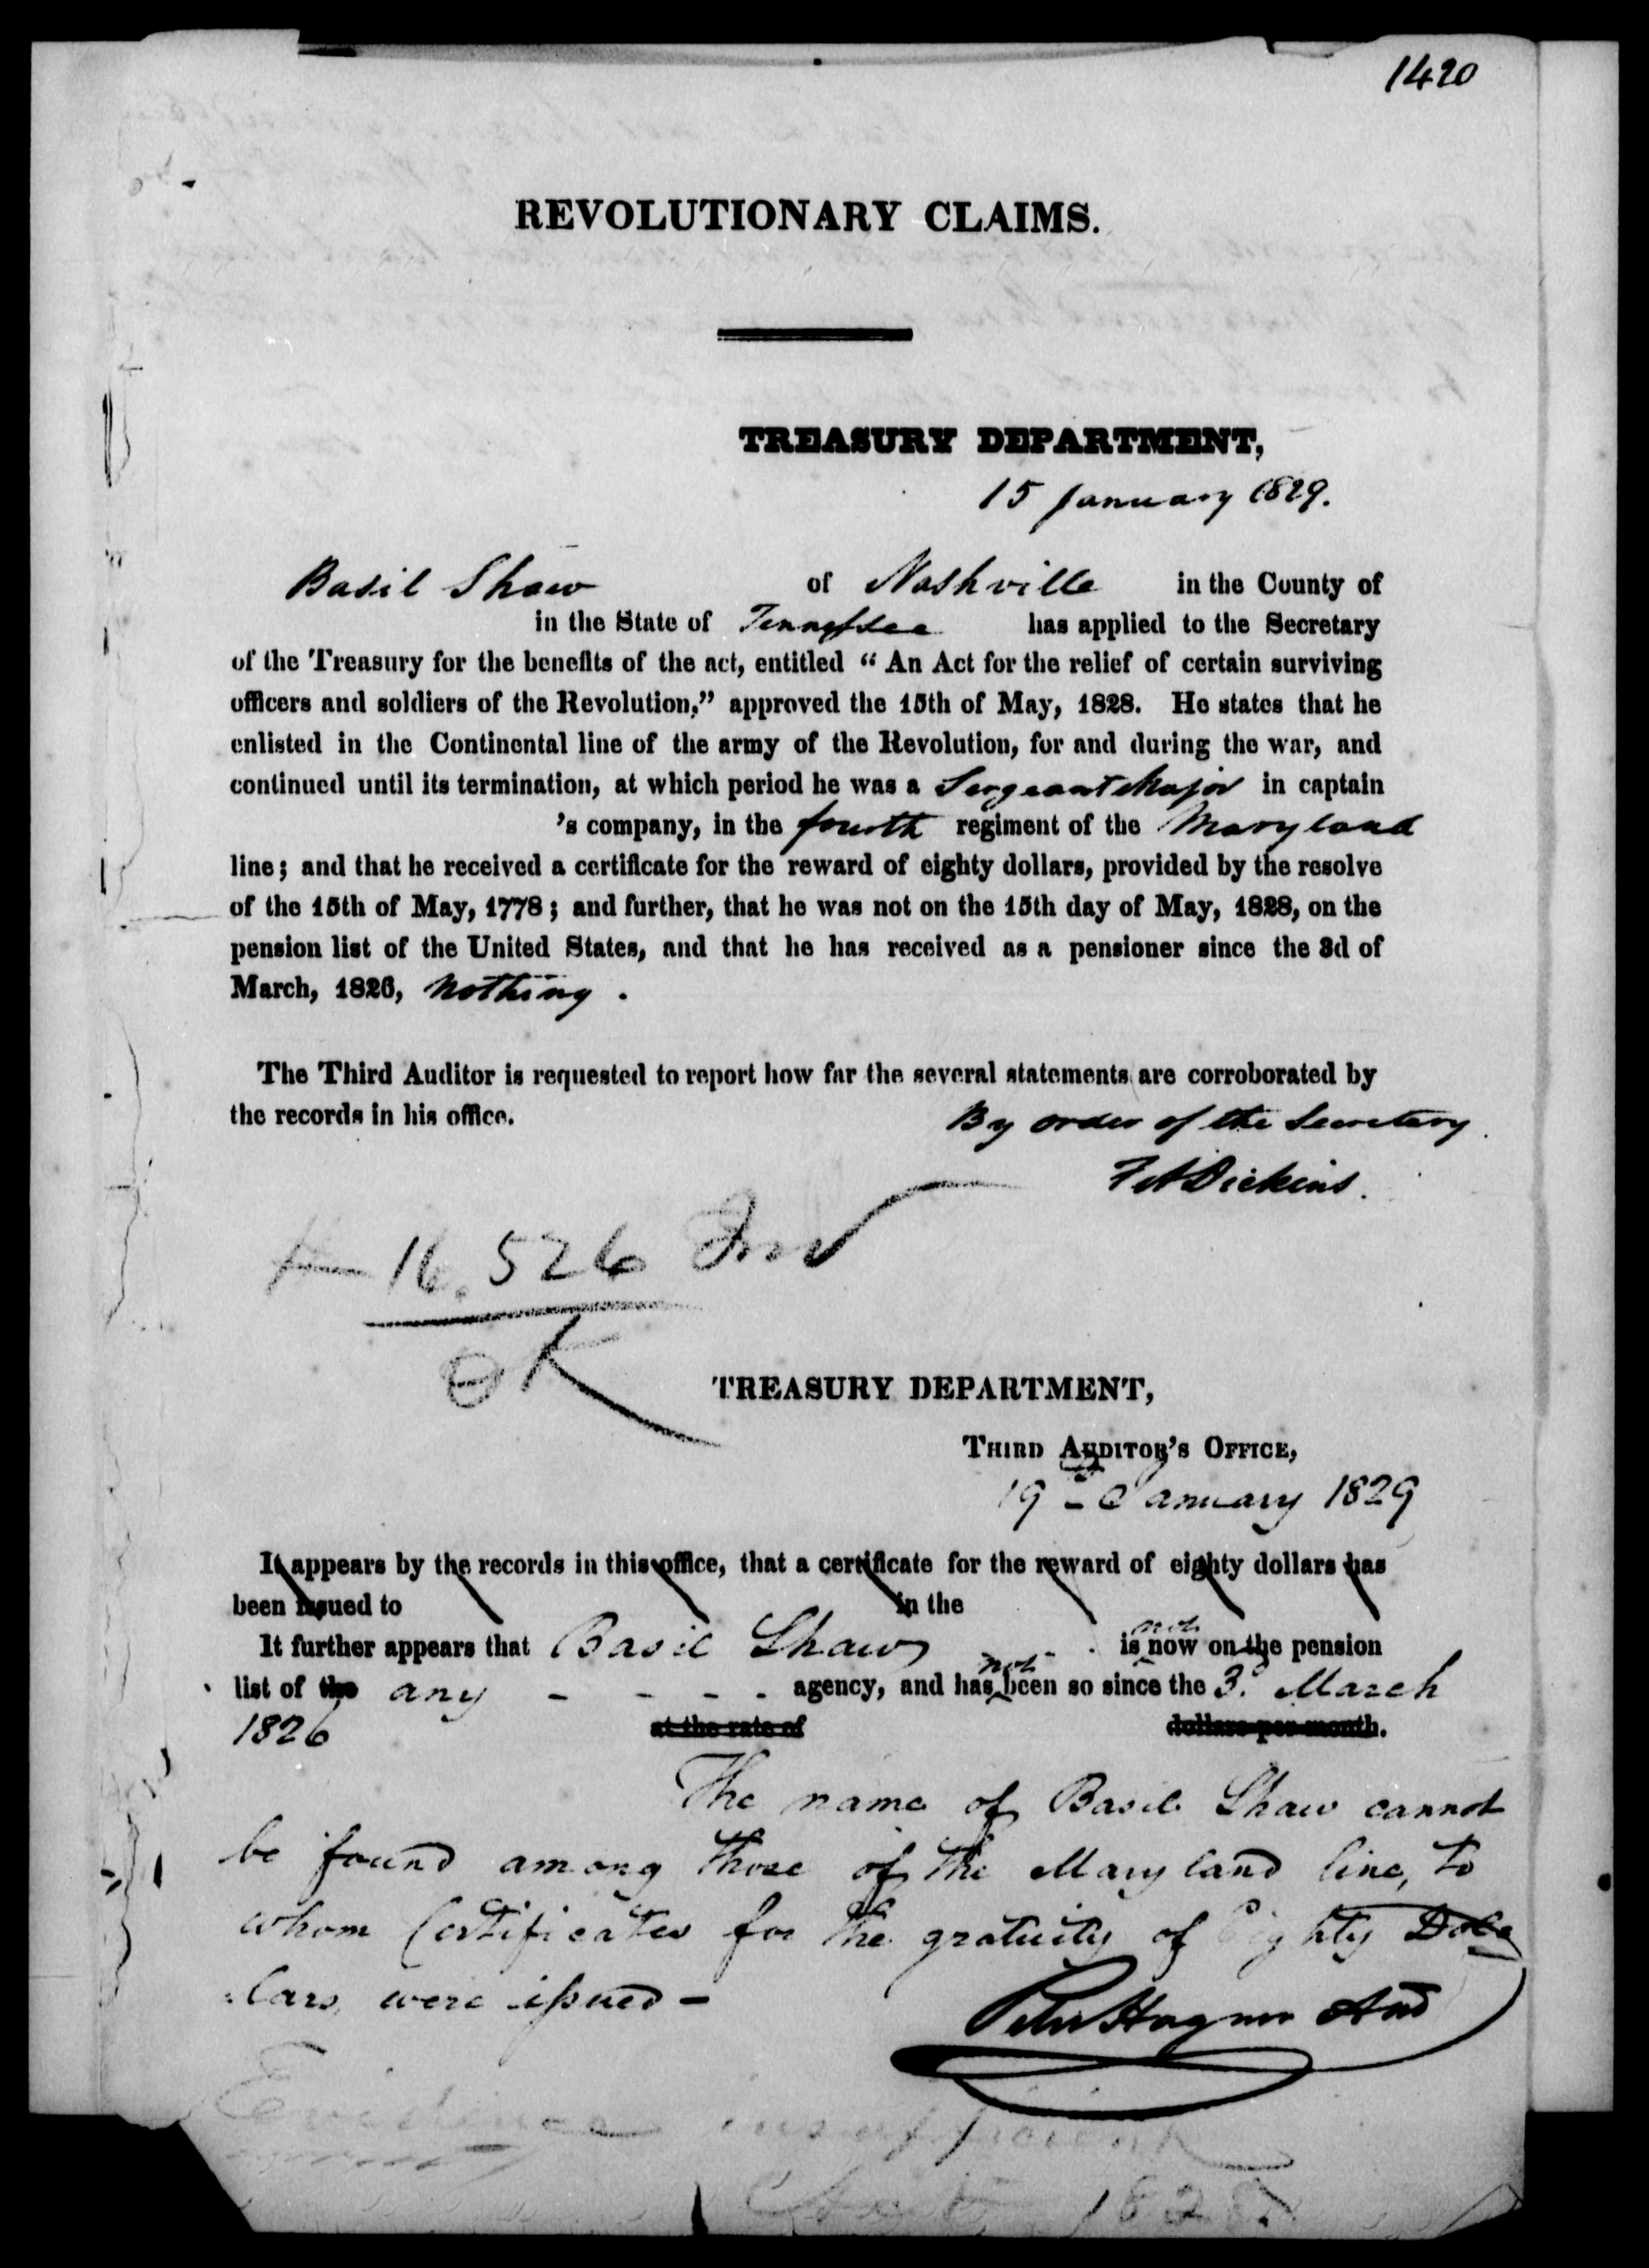1420
REVOLUTIONARY CLAIMS.
TREASURY DEPARTMENT,
15 January 1829.
Basil Shaw of Nashville in the County of
[blank] in the State of Tennessee has applied to the Secretary
of the Treasury for the benefits of the act, entitled " An Act for the relief of certain surviving
officers and soldiers of the Revolution," approved the 15th of May, 1828. He states that he
enlisted in the Continental line of the army of the Revolution, for and during the war, and
continued until its termination, at which period he was a Sergeant Major in captain
[blank]'s company, in the fourth regiment of the Maryland
line; and that he received a certificate for the reward of eighty dollars, provided by the resolve
of the 15th of May, 1778; and further, that he was not on the 15th day of May, 1828, on the
pension list of the United States, and that he has received as a pensioner since the 8d of
March, 1826, nothing.
The Third Auditor is requested to report how far the several statements are corroborated by
the records in his office.
By order of the Secretary
F Dickins
#16.526 Inv OK

TREASURY DEPARTMENT,
THIRD AUDITOR'S OFFICE,
19th January 1829
It further appears that Basil Shaw is not now on the pension
list of any agency, and has not been so since the 3rd March 1826
The name of Basil Shaw cannot
be found among those of the Maryland line, to
whom certificates for the gratuity of eighty dollars
were issued -
Peter Hagener Aud

Evidence insufficient
Act 1828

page: 25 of 32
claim: survivor's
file: S. 16,526, for Basil Shaw, Maryland